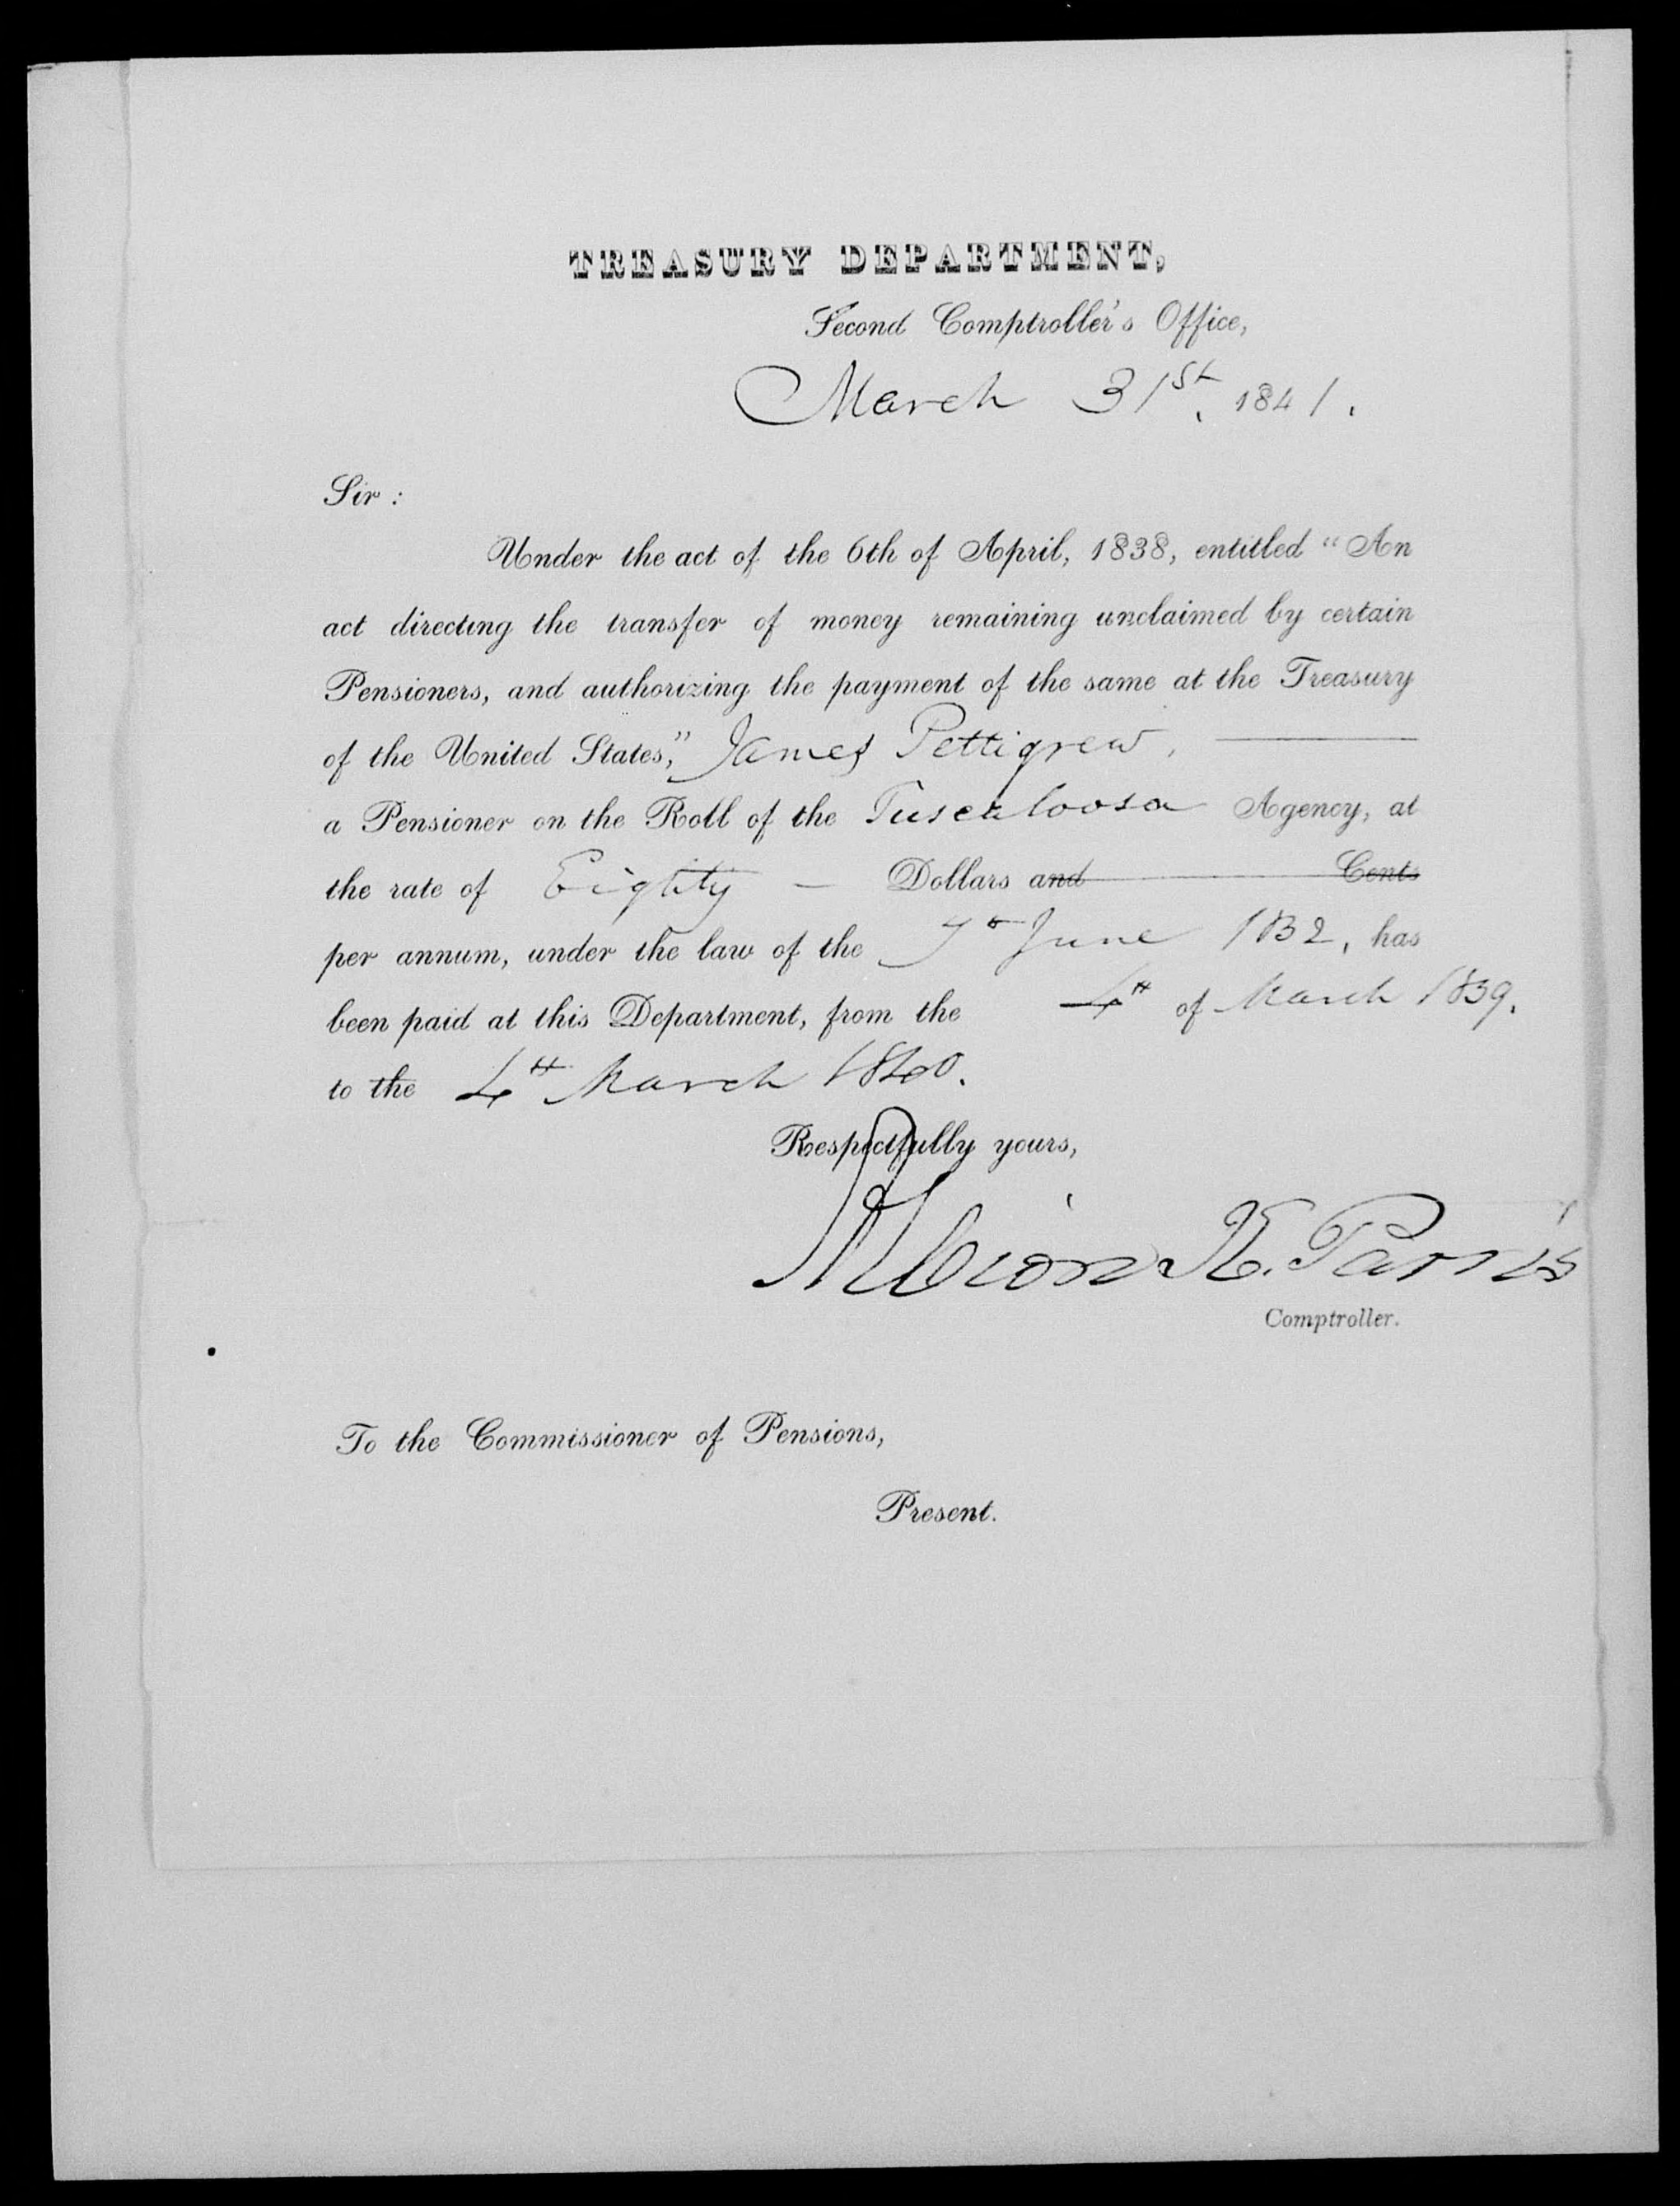[typed form, with handwritten responses]
TREASURY SEPARTMENT,
Second Controller's Office
March 31st, 1841.

Sir:
Under the act of April, 1838, entitle "An act directing the transfer of money remaining unclaimed by certain Pensioners, and authorizing the payment of the same at the Treasury of the United States," James Pettigrew, a Pensioner on the Roll of the Tuscaloosa Agency, at the rate of Eighty - Dollars and [left blank] Cents per annum, under the law of the 7th June 1832, has been paid at this Department, from the 4th of March 1839. to the 4th March 1840.

Respectfully yours,
Heian H. Paris
Comptroller.

To the Commissioner of Pensions,
Present.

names: Albion K Parris; James Pettigrew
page: 54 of 92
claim: widow's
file: W. 5522, for James Pettigrew, South Carolina